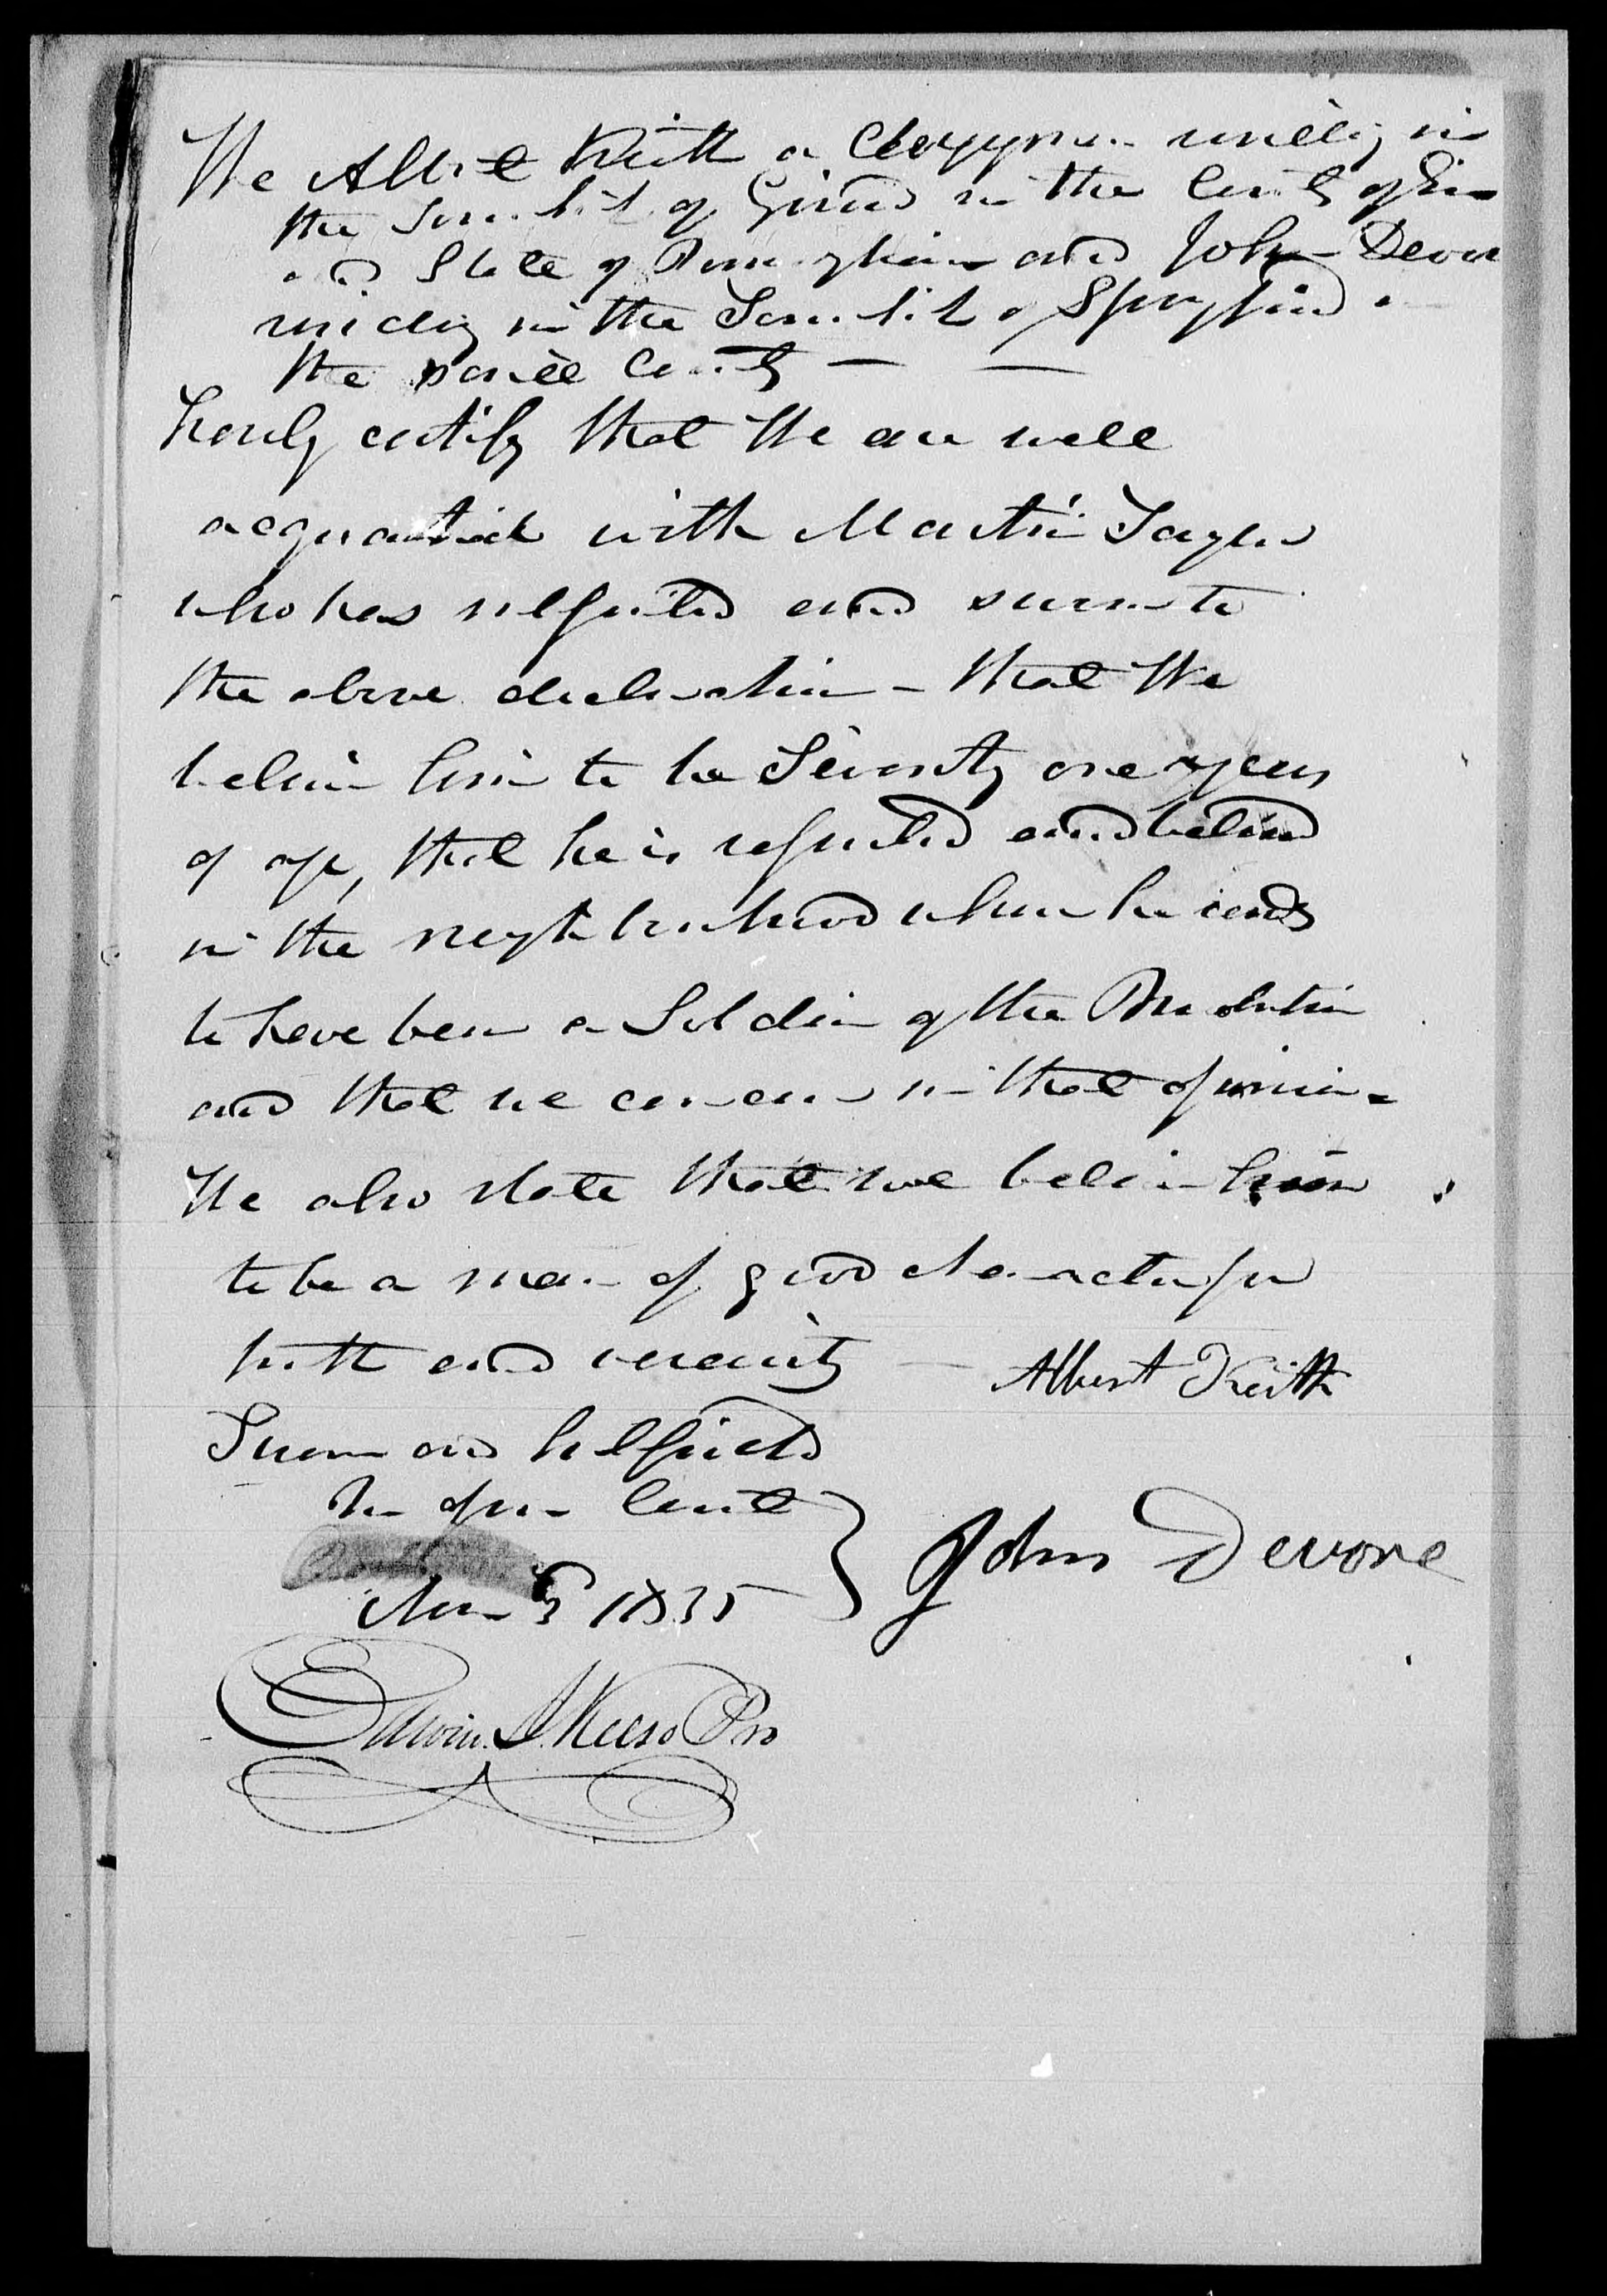We Albert Keith a clergyman [unk] in the Township of [unk] in the county of Erie and state of Pennsylvania and John Devore residing in the Township of Springfield in the same county hereby certify that we are well acquainted with Martin Taylor who has subscribed and sworn to the above declaration, that we believe hi to be seventy one years of age, that he is reputed and believed in the neighborhood where he resides to have been a soldier of the Revolution and that we concur in that of service. We also state that we believe him to ne a man of good character for truth and veracity.

Albert Keith
John Devore

Sworn and subscribed in open Court  Mar 3d 1835.

Edwin J Kelso Pro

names: John Devoe; Martin Taylor; Albert Keith; Albert Keith; John Devore; Edwin J Kelso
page: 8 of 13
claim: rejected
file: R 10420, for Martin Tayler, Connecticut